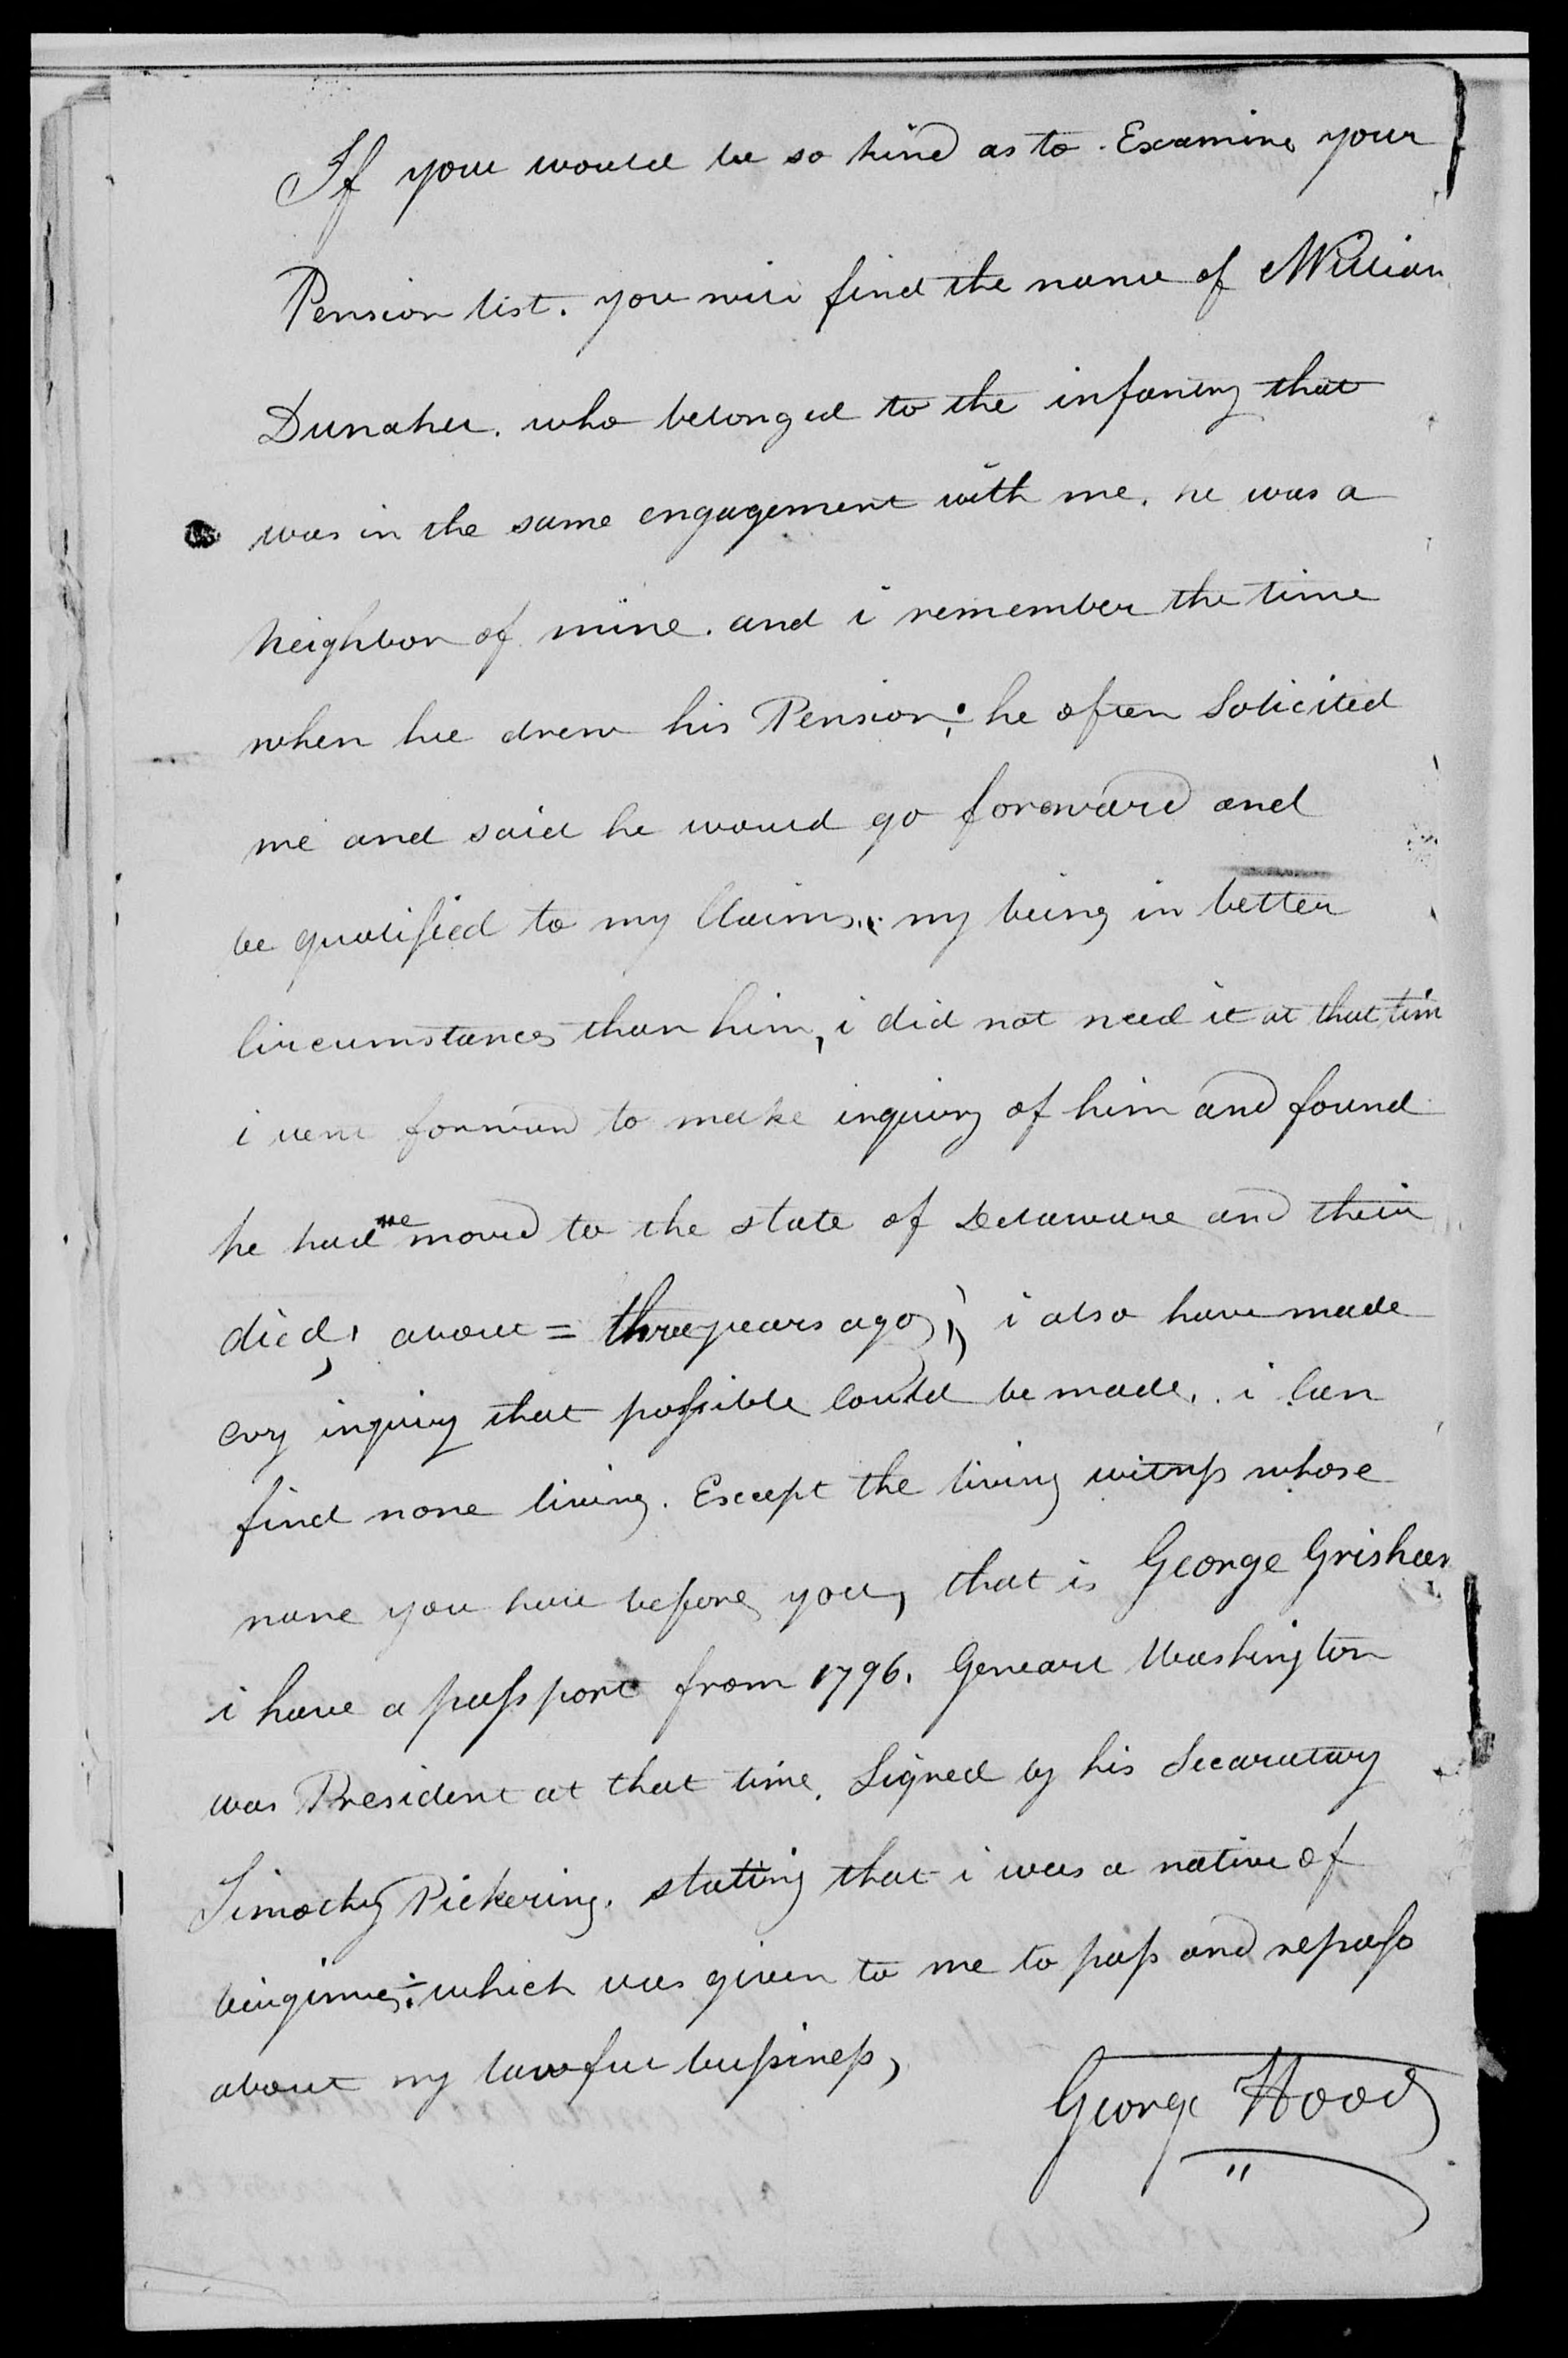If you would be so kind as to examine your pension list, you will find the name of William Dunahee, who belonged to the infantry that was in the same engagement with me. He was a neighbor of mine and I remember the time when he drew his pension; he often solicited me and said he would go forward and be qualified to my claims, my being in better circumstances than him. I did not need it at that time, I was convinced to make inquiry of him and found he had moved to the State of Delaware and then died about three years ago. I also have made any inquiry that possible could be made, then find none living, except the living witness whose name you have before you, that is George Grisham. I have a [Illegible] for 1796. George Washington was President at that time, signed by his secretary Timoty Pickering, stating that I was a native of Virginia, which was  given to me [Illegible].

George Hood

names: George Hood, William Dunahee, Timothy Pickering, George Grishur, Washington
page: 45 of 51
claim: widow's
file: W 8939, George Hood, Continental Va.